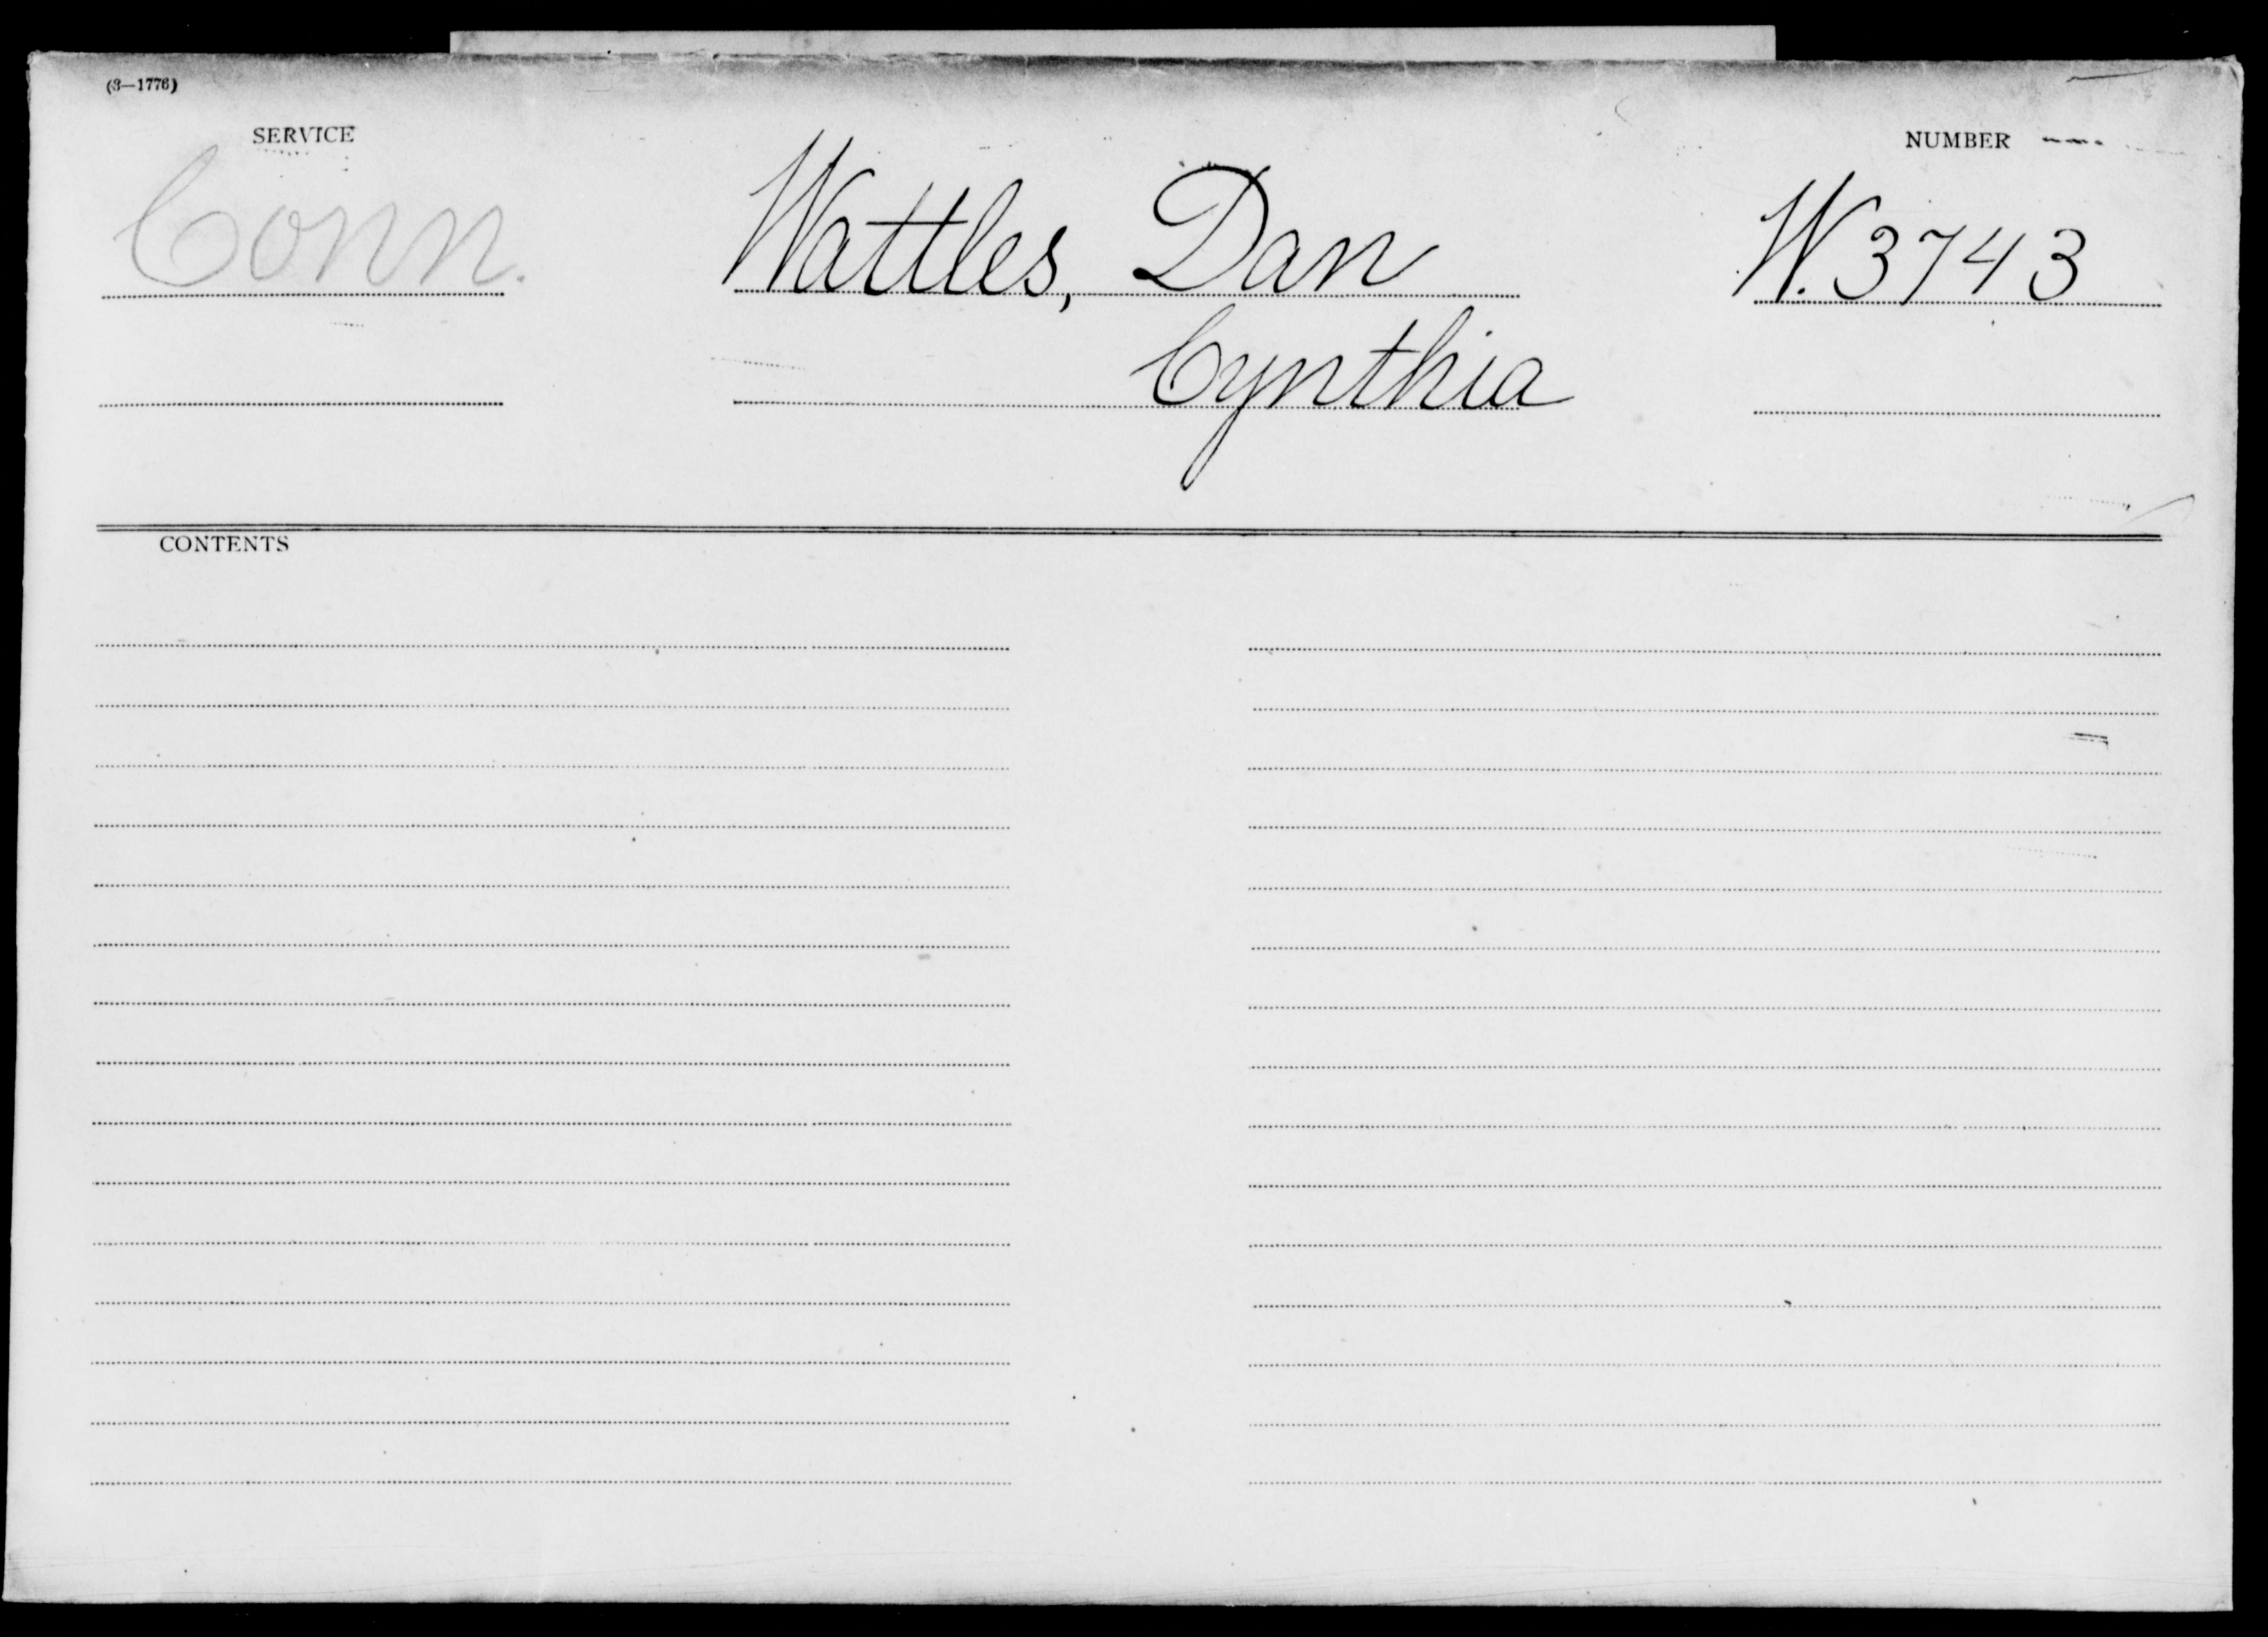(3--1776)

SERVICE
Conn.

Wattles, Dan
Cynthia

NUMBER
W. 3743
---------------------------------------------------
CONTENTS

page: 1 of 70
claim: widow's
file: W. 3743, Dan Wattles, Conn.